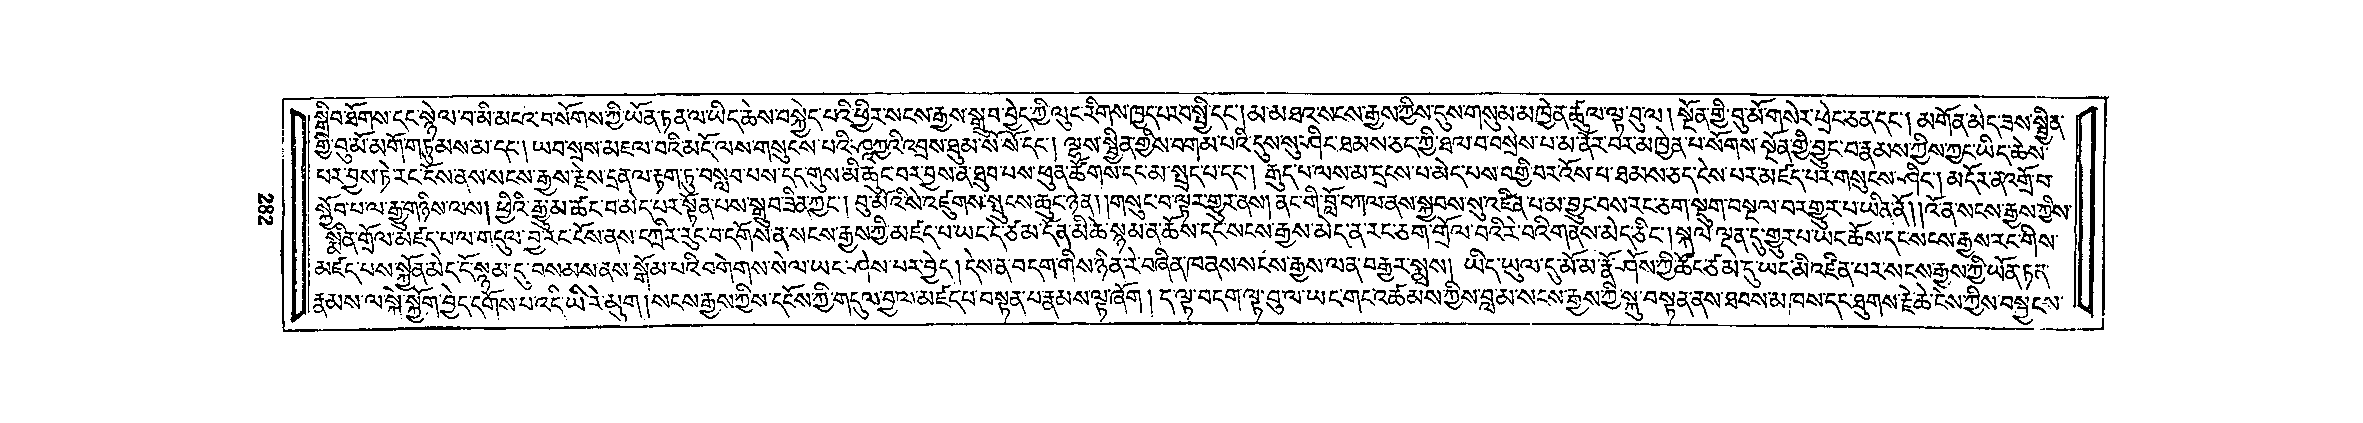སྒྲིབ་ཐོགས་དང་སྙེལ་བ་མི་མངའ་བ་སོགས་ཀྱི་ཡོན་ཏན་ལ་ཡིད་ཆེས་བསྐྱེད་པའི་ཕྱིར་སངས་རྒྱས་སྒྲུབ་བྱེད་ཀྱི་ལུང་རིགས་ཁྱད་པར་བ་སྤྱི་དང་། མ་མཐའ་སངས་རྒྱས་ཀྱིས་དུས་གསུམ་མཁྱེན་ཚུལ་ལྟ་བུ་ལ། སྔོན་གྱི་བུ་མོ་གསེར་ཕྲེང་ཅན་དང་། མགོན་མེད་ཟས་སྦྱིན་
གྱི་བུ་མོ་མགོ་གཏུམས་མ་དང་། ཡབ་སྲས་མཇལ་བའི་མདོ་ལས་གསུངས་པའི་ཤཱཀྱའི་འབྲས་ཐུམ་སོ་སོ་དང་། ལྷས་སྦྱིན་གྱིས་བགམ་པའི་དུས་སུ་ཤིང་ཐམས་ཅད་ཀྱི་ཐལ་བ་བསྲེས་པ་མ་ནོར་བར་མཁྱེན་པ་སོགས་སྔོན་གྱི་བྱུང་བ་རྣམས་ཀྱིས་ཀྱང་ཡིད་ཆེས་
པར་བྱས་ཏེ་རང་ངོས་ནས་སངས་རྒྱས་རྗེས་དྲན་ལ་རྟག་ཏུ་བསླབ་པས་དད་གུས་མི་ཆུང་བར་བྱས་ན་ཐུབ་པས་ཕུན་ཚོགས་དང་མ་སྤྲད་པ་དང་། རྒུད་པ་ལས་མ་དྲངས་པ་མེད་པས་བགྱི་བར་འོས་པ་ཐམས་ཅད་ངེས་པར་མཛད་པར་གསུངས་ཤིང་། མདོར་ན་འགྲོ་བ་
སྐྱོབ་པ་ལ་རྒྱུ་གཉིས་ལས། ཕྱིའི་རྒྱུ་མ་ཚང་བ་མེད་པར་སྟོན་པས་སྒྲུབ་ཟིན་ཀྱང་། བུ་མོའི་སེ་འཛུགས་སྤུངས་ཆུང་ཉེན། །གསུང་བ་ལྟར་གྱུར་ནས། ནང་གི་བློ་བཀལ་ནས་སྐྱབས་སུ་འཛིན་པ་མ་བྱུང་བས་རང་ཅག་སྡུག་བསྔལ་བར་གྱུར་པ་ཡིན་ནོ། །འོ་ན་སངས་རྒྱས་ཀྱིས་
སྨིན་གྲོལ་མཛད་པ་ལ་གདུལ་བྱ་རང་ངོས་ནས་དཀྲིར་རུང་བ་དགོས་ན་སངས་རྒྱས་ཀྱི་མཛད་པ་ཡང་དེ་ཙམ་དོན་མི་ཆེ་སྙམ་ན་ཆོས་དང་སངས་རྒྱས་མེད་ན་རང་ཅག་གྲོལ་བའི་རེ་བའི་གནས་མེད་ཅིང་། སྐལ་ལྡན་དུ་གྱུར་པ་ཡང་ཆོས་དང་སངས་རྒྱས་རང་གིས་
མཛད་པས་སྐྱོན་མེད་དོ་སྙམ་དུ་བསམས་ནས་སྒོམ་པའི་བགེགས་སེལ་ཡང་ཤེས་པར་བྱེད། དེས་ན་བདག་གིས་ཉིན་རེ་བཞིན་ཁ་ནས་སངས་རྒྱས་ལན་བརྒྱར་སྨྲས། ཡིད་ཡུལ་དུ་མོ་མ་རྣོ་ཤོས་ཀྱི་ཚོང་ཙམ་དུ་ཡང་མི་འཛིན་པར་སངས་རྒྱས་ཀྱི་ཡོན་ཏན་
རྣམས་ལ་སྐེ་སྐྱོག་བྱེད་དགོས་པ་འདི་ཡི་རེ་མུག །སངས་རྒྱས་ཀྱིས་དངོས་ཀྱི་གདུལ་བྱ་ལ་མཛད་པ་བསྟན་པ་རྣམས་ལྟ་ཞོག །ད་ལྟ་བདག་ལྟ་བུ་ལ་ཡང་གང་འཚམས་ཀྱིས་བླ་མ་སངས་རྒྱས་ཀྱི་སྐུ་བསྟན་ནས་ཐབས་མཁས་དང་ཐུགས་རྗེ་ཆེ་ངེས་ཀྱིས་བསྐྱངས་